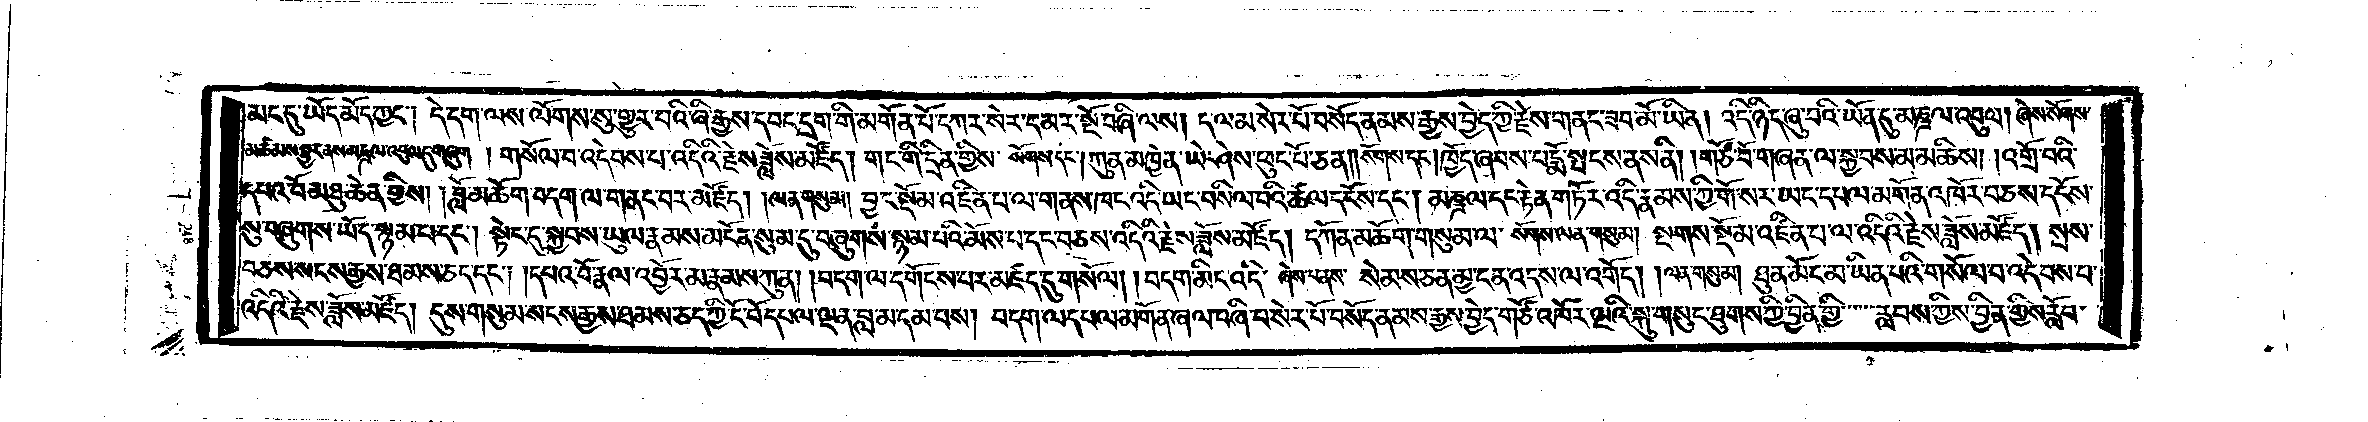མང་དུ་ཡོད་མོད་ཀྱང་། དེ་དག་ལས་ལོགས་སུ་གྱུར་པའི་ཞི་རྒྱས་དབང་དྲག་གི་མགོན་པོ་དཀར་སེར་དམར་སྔོ་བཞི་ལས། ད་ལམ་སེར་པོ་བསྡོད་ནམས་རྒྱས་བྱེད་ཀྱི་རྗེས་གནང་ཟབ་མོ་ཡིན། འདི་ཉིད་ཞུ་བའི་ཡོན་དུ་མནྟལ་འབུལ། ཞེས་སོགས་
མཚམས་སྦྱར་ནས་མནྟལ་འབུལ་དུ་བཞུག །གསོལ་བ་འདེབས་པ་འདིའི་རྗེས་མཛོད། གང་གི་དྲིན་གྱིས་སོགས་དག། ཀུན་མཁྱེན་ཡེ་ཤེས་ཕུང་པོ་ཅན། །སོགས་དག། ཁྱོད་ཞབས་པ་དོ་སྤངས་ནས་ནི། །གཙོ་བོ་གཞན་ལ་སྐྱབས་མ་མཆིས། འགྲོ་བའི་
དཔའ་པོ་མཐུ་ཆེན་གྱིས། །བློ་མཆོག་བདག་ལ་གནང་བར་མཛོད། །ལན་གསུམ། བྱང་སྡོམ་འཛིན་པ་ལ་གནས་ཁང་དི་ཡང་བསིལ་བའི་ཚལ་དངོས་དང་། མནྟལ་དང་རྟེན་གཏོར་འདི་རྣམས་ཡི་གོ་སར་ཡང་དཔལ་མགོན་འཁོར་བཅས་དངོས་
སུ་བཞུགས་ཡོད་སྙམ་པ་དག། སྟེང་དུ་སྐྱབས་ཡུལ་རྣམས་མངོན་སུམ་དུ་བཞུགས་སྙམ་པ་མོས་པ་དང་བཅས་པའི་འདིའི་རྗེས་བློས་མཛོད། དཀོན་མཆོག་གསུམ་ལ་སོགས་ལན་གསུམ། སྔགས་སྔོན་འཛིན་པ་ལ་འདིའི་རྗེས་ཟློས་མཛོད། སྲས་
བཅས་སངས་རྒྱས་ཐམས་ཅད་དང་། །དཔའ་བོ་རྣལ་འབྱོར་མ་རྣམས་ཀུན། །བདག་ལ་དངོས་པར་མཛད་དུ་གསོ། །བདག་མིང་འདི་ཞེས་པ་ནས་སེམས་ཅན་མྱང་མ་འདས་ལ་འགོད། །ལན་གསུམ་ཐུན་མོང་མ་ཡིན་པའི་སོལ་བ་འདེབས་པ་
འདིའི་རྗེས་ཟློས་མཛོད། དུས་གསུམ་སངས་རྒྱས་ཐམས་ཅད་ཀྱི་ངོ་བོ་དཔལ་ལྡན་ལ་མ་དམ་པས། བདག་ལ་དཔལ་མགོན་ཞལ་བཞི་པ་སེར་བོ་བསོད་ནམས་རྒྱས་བྱེད་གཙོ་འཁོར་ལྔའི་སྐུ་གསུང་ཐུགས་ཡི་བྱིན་གྱིས་རླབས་ཀྱིས་བྱིན་གྱི་རློབ་